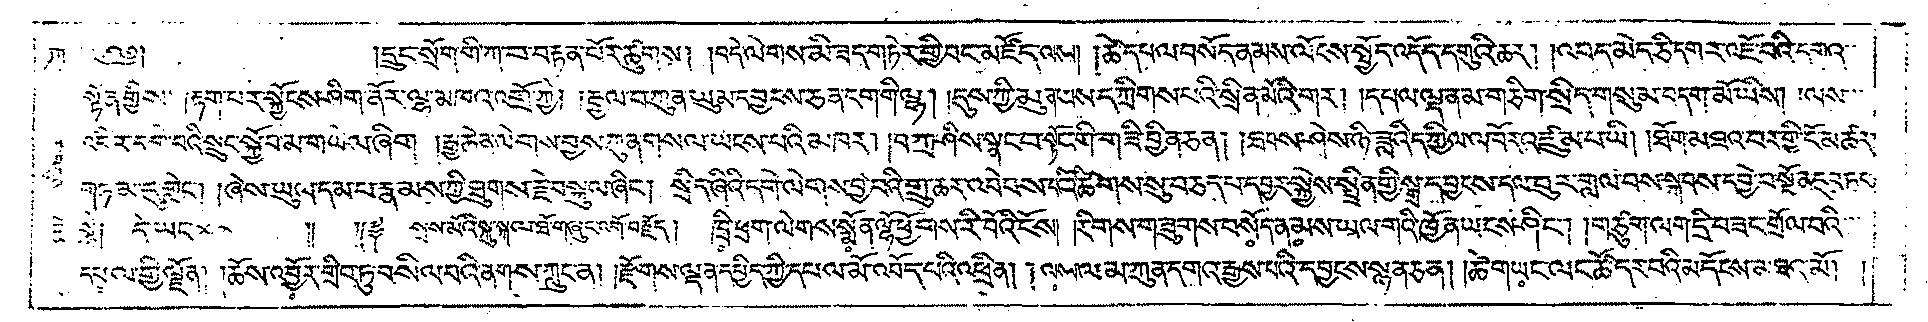༄༅། །དྲུང་སྲོག་གི་ཀ་བ་བརྟན་པོར་ཚུགས། །བདེ་ལེགས་མི་ཟད་གཏེར་གྱི་བང་མཛོད་ལས། །ཚེ་དཔལ་བསོད་ནམས་ལོངས་སྤྱོད་འདོད་དགུའི་ཆར། །འབད་མེད་ཅི་དགར་འཇོ་བའི་དགའ་
སྟོན་གྱིས། །རྟག་པར་སྐྱོངས་ཤིག་ནོར་ལྷ་མཁའ་འགྲོ་ཀྱེ། །རྒྱལ་བ་ཀུན་ཡུམ་དབྱངས་ཅན་ངག་གི་ལྷ། །དུས་ཀྱི་མུན་པས་དཀྲིགས་པའི་སྲིན་མོའི་གར། །དཔལ་ལྡན་མ་གཅིག་སྲིད་གསུམ་བདག་མོ་ཡིས། །ལས་
འདིར་དགེ་བའི་སྲུང་སྐྱོབ་མ་གཡེལ་ཞིག །རྒྱ་ཆེན་ལེགས་བྱས་ཀུན་གསལ་ཡངས་པའི་མཁར། །བཀྲ་ཤིས་སྣང་བ་སྟོང་གི་གཟི་བྱིན་ཅན། །ཐབས་ཤེས་ཉི་ཟླའི་དཀྱིལ་འཁོར་འཛུམ་པ་ཡི། །ཐོག་མཐའ་བར་གྱི་ངོ་མཚར་
གཏམ་དུ་གླེང་། །ཞེས་ཡུལ་དམ་པ་རྣམས་ཀྱི་ཐུགས་རྗེ་བསྐུལ་ཞིང་། སྲིད་ཞིའི་དགེ་ལེགས་བྱེ་བའི་གྲུ་ཆར་འབེབས་པའི་ཚིགས་སུ་བཅད་པ་དབྱར་སྐྱེས་སྤྲིན་གྱི་སྒྲ་དབྱངས་དལ་བུར་གླལ་བས་སྐབས་དབྱེ་བ་སྔོན་དུ་བཏང་
སྟེ། དེ་ཡང་྾་྾།། །། ༈ སྲས་མོའི་སྐུ་སྐལ་ཐོ་གཞུང་འགོ་བརྗོད།  ཁྲི྾་ཕྲག་ལེགས་སྨོན྾་ལྷོ་ཕྱོགས་རི་བོའི་ངོས། །རིགས་གཟུགས་བསོད྾་ནམས྾་ཡལ་གའི་ཁྱོན་ཡངས་ཤིང་། །གཙུག་ལག་དྲི་བཟང་གྲོལ་བའི་
དཔལ྾་གྱི་ལྗོན། །ཆོས་འབྱོར྾་གྲིབ་ཏུ་བསིལ་བའི་ནགས་ཀླུང་ན། །རྫོགས་ལྡན་དཔྱིད་ཀྱི་དཔལ་མོ་འབོད་པའི་འཕྲིན྾། །ལས྾་ལམ་ཀུན་དགའ་རྒྱས་པའི་དབྱངས་སྙན་ཅན། །ཚེ་གཡང྾་ལང་ཚོ་དར་བའི་མདོངས་མཐའ་མོ། །